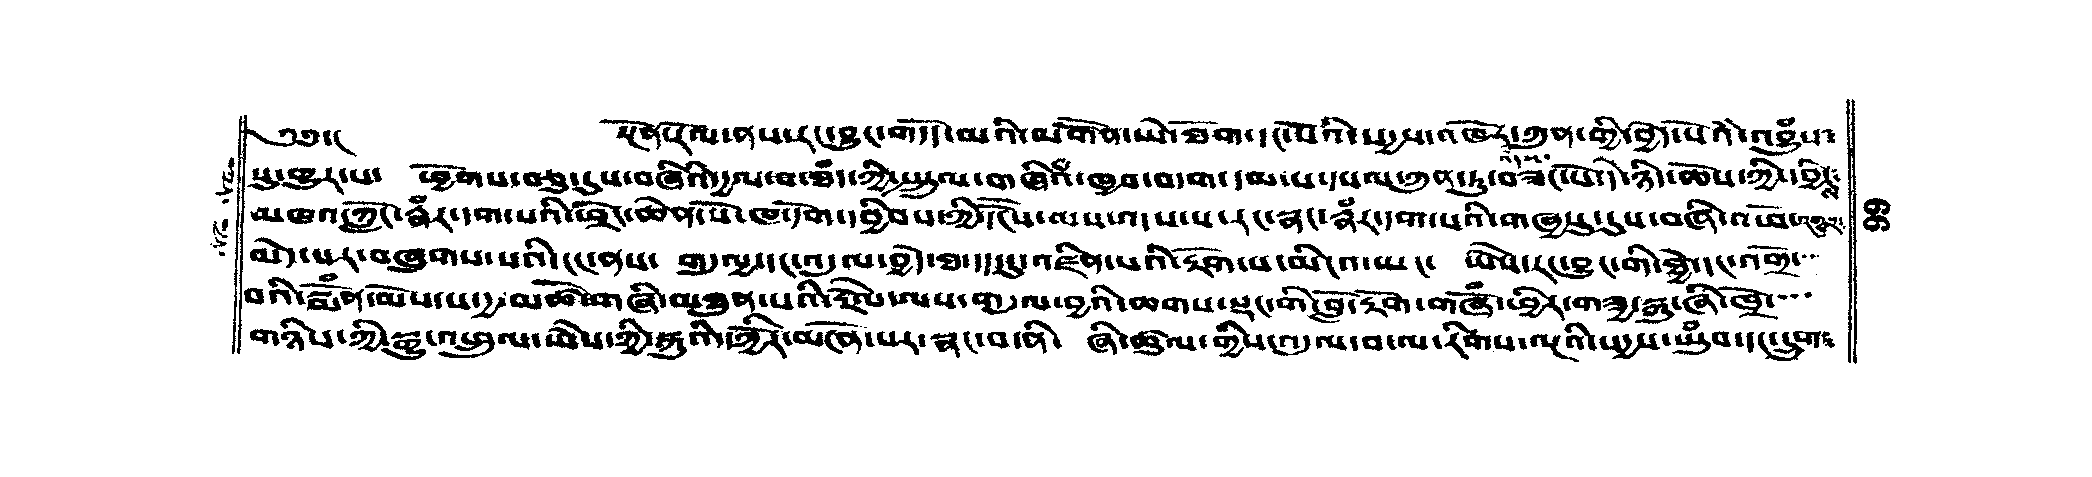སྔོན་རོལ་ནས་རང་བྱུང་གདོད་མའི་མགོན་པོ་ཡེ་ཐོག་དང་པོའི་སངས་རྒྱས་འཁོར་འདས་ཀུན་གྱི་བྱེད་པོའམ་འབྱུང་གནས་
སུ་གྱུར་པ། ཕྱོགས་བཅུ་དུས་བཞིའི་རྒྱལ་བ་ཐམས་ཅད་ཀྱི་སྤྲུལ་གཞིའམ་ཁྱབ་བདག་དམ་པ་དཔལ་ཀུན་ཏུ་བཟང་པོ་དེ་ཉིད་ཆོས་ཀྱི་དབྱིངས་
མཁའ་ཀློང་རྣམ་པར་དག་པའི་ཕྲོད་ཆེན་པོ་ཁ་དོག་དབྱིབས་ཀྱི་དངོས་ལས་འདས་པ་རང་སྣང་རྣམ་པས་དག་པའི་གཞལ་ཡས་སུ་དུས་བཞི་འཕོ་འགྱུར་
མེད་པར་བཞུགས་པའི་ངང་ནས། གདུལ་བྱ་དང་འདུལ་བྱེད་ཐ་དད་དུ་འཛིན་པའི་རྟོག་པ་མི་མངའ་ཡང་། ཡེ་ཤེས་རང་བྱུང་གི་ཐུགས་རྗེ་དང་འགྲོ་
བའི་སྨོན་ལམ་མོས་པ་རྒྱ་མཚོ་གཞི་མཏུན་པའི་རྟེལ་འབྲེལ་ལས་གདུལ་བྱའི་ཆགས་སྡང་གི་བློ་རྟོག་གཞོམ་ཕྱིར་གཟུགས་སྐུ་ཞི་ཁྲོ་
གཉིས་ཀི་སྒྱུ་འཕྲུལ་ཡེ་ཤེས་ཀྱི་སྐུའི་དཀྱིལ་འཁོར་མངོན་པར་སྣང་བ་ནི།ཞི་ཚུལ་གྱི་འདུལ་བ་ལ་རིགས་ལྔའི་སངས་རྒྱས་ཡབ་ཡུམ་དག་དྲུག་